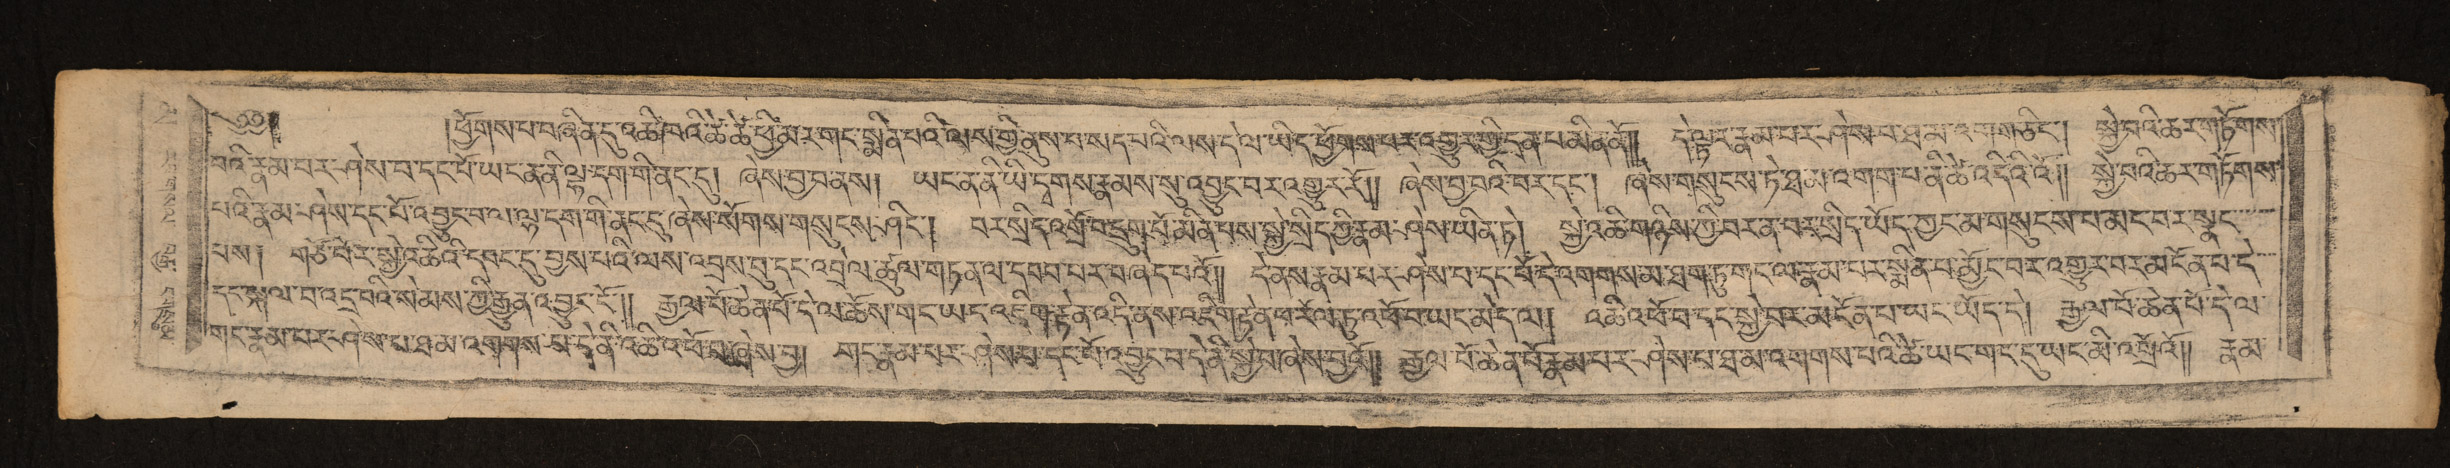༄༅། །ཕྱོགས་པ་བཞིན་དུ་འཆི་ཁའི་ཚེ་ཚེ་ཕྱི་མར་གང་སྨིན་པའི་ལས་ཀྱི་ནུས་པ་སད་པའི་ལས་དེ་ལ་ཡིད་ཕྱོགས་པར་འགྱུར་གྱི་དྲན་པ་མིན་ནོ།། དེ་ལྟར་རྣམ་པར་ཤེས་པ་ཐ་མ་འགག་ཅིང་། སྐྱེ་བའི་ཆར་གཏོགས་
པའི་རྣམ་པར་ཤེས་པ་དང་པོ་ཡང་ན་ནི་ལྷ་དག་གི་ནང་དུ། ཞེས་བྱ་བ་ནས། ཡང་ན་ནི་ཡི་དྭགས་རྣམས་སུ་འབྱུང་བར་འགྱུར་རོ།། ཞེས་བྱ་བའི་བར་དང་། ཞེས་གསུངས་ཏེ་ཐ་མ་འགག་པ་ནི་ཚེ་འདིའི་འོ།། སྐྱེ་བའི་ཆར་གཏོགས་
པའི་རྣམ་ཤེས་དང་པོ་འབྱུང་བ་ལ་ལྷ་དག་གི་ནང་དུ་ཞེས་སོགས་གསུངས་ཤིང་། བར་སྲིད་འགྲོ་བ་དྲུག་པོ་མིན་པས་སྐྱེ་སྲིད་ཀྱི་རྣམ་ཤེས་ཡིན་ཏེ། སྐྱེ་འཆི་གཉིས་ཀྱི་བར་ན་བར་སྲིད་ཡོད་ཀྱང་མ་གསུངས་པ་མང་བར་སྣང་
བས༑ གཙོ་བོར་སྐྱེ་འཆིའི་དབང་དུ་བྱས་པའི་ལས་འབྲས་བུ་དང་འབྲེལ་ཚུལ་གཏན་ལ་དབབ་པར་བཞེད་པའོ།། དེ་ནས་རྣམ་པར་ཤེས་པ་དང་པོ་དེ་འགགས་མ་ཐག་ཏུ་གང་ལ་རྣམ་པར་སྨིན་པ་མྱོང་བར་འགྱུར་བར་མངོན་པ་དེ་
དང་སྐལ་པ་འདྲ་བའི་སེམས་ཀྱི་རྒྱུན་འབྱུང་ངོ།། རྒྱལ་པོ་ཆེན་པོ་དེ་ལ་ཆོས་གང་ཡང་འཇིག་རྟེན་འདི་ནས་འཇིག་རྟེན་ཕ་རོལ་ཏུ་འཕོ་བ་ཡང་མེད་ལ། འཆི་འཕོ་བ་དང་སྐྱེ་བར་མངོན་པ་ཡང་ཡོད་དེ། རྒྱལ་པོ་ཆེན་པོ་དེ་ལ་
གང་རྣམ་པར་ཤེས་པ་ཐ་མ་འགགས་པ་དེ་ནི་འཆི་འཕོ་བ་ཞེས་བྱ། གང་རྣམ་པར་ཤེས་པ་དང་པོ་འབྱུང་བ་དེ་ནི་སྐྱེ་བ་ཞེས་བྱའོ།། རྒྱལ་པོ་ཆེན་པོ་རྣམ་པར་ཤེས་པ་ཐ་མ་འགགས་པའི་ཚེ་ཡང་གང་དུ་ཡང་མི་འགྲོའོ།། རྣམ་